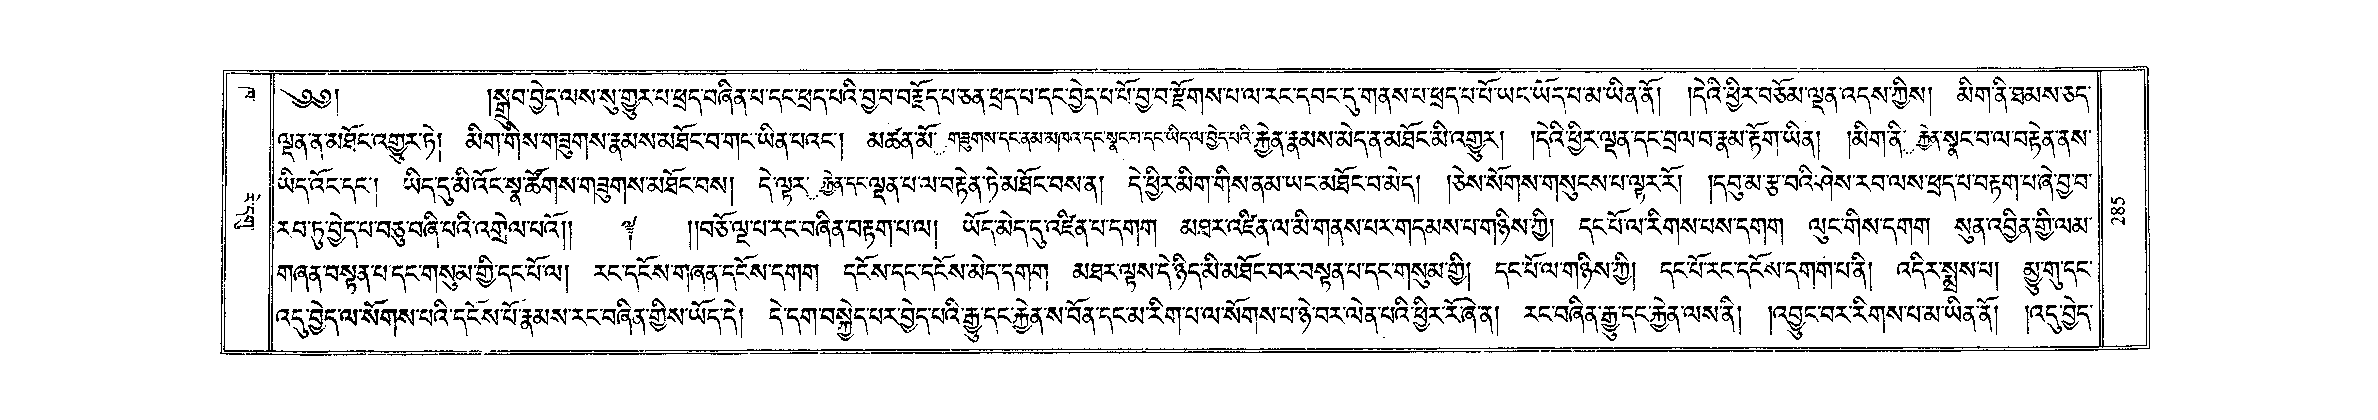༄༅། །སྒྲུབ་བྱེད་ལས་སུ་གྱུར་པ་ཕྲད་བཞིན་པ་དང་ཕྲད་པའི་བྱ་བ་བརྗོད་པ་ཅན་ཕྲད་པ་དང་བྱེད་པ་པོ་བྱ་བ་རྫོགས་པ་ལ་རང་དབང་དུ་གནས་པ་ཕྲད་པ་པོ་ཡང་ཡོད་པ་མ་ཡིན་ནོ། །དེའི་ཕྱིར་བཅོམ་ལྡན་འདས་ཀྱིས། མིག་ནི་ཐམས་ཅད་
ལྡན་ན་མཐོང་འགྱུར་ཏེ། མིག་གིས་གཟུགས་རྣམས་མཐོང་བ་གང་ཡིན་པའང་། མཚན་མོ་གཟུགས་དང་ནམ་མཁའ་དང་སྣང་བ་དང་ཡིད་ལ་བྱེད་པའི་རྐྱེན་རྣམས་མེད་ན་མཐོང་མི་འགྱུར། །དེའི་ཕྱིར་ལྡན་དང་བྲལ་བ་རྣམ་རྟོག་ཡིན། །མིག་ནི་རྐྱེན་སྣང་བ་ལ་བརྟེན་ནས་
ཡིད་འོང་དང་། ཡིད་དུ་མི་འོང་སྣ་ཚོགས་གཟུགས་མཐོང་བས། དེ་ལྟར་རྐྱེན་དང་ལྡན་པ་ལ་བརྟེན་ཏེ་མཐོང་བས་ན། དེ་ཕྱིར་མིག་གིས་ནམ་ཡང་མཐོང་བ་མེད། །ཅེས་སོགས་གསུངས་པ་ལྟར་རོ། །དབུ་མ་རྩ་བའི་ཤེས་རབ་ལས་ཕྲད་པ་བརྟག་པ་ཞེ་བྱ་བ་
རབ་ཏུ་བྱེད་པ་བཅུ་བཞི་པའི་འགྲེལ་པའོ།། ༈ །།བཅོ་ལྔ་པ་རང་བཞིན་བརྟག་པ་ལ། ཡོད་མེད་དུ་འཛིན་པ་དགག་མཐར་འཛིན་ལ་མི་གནས་པར་གདམས་པ་གཉིས་ཀྱི། དང་པོ་ལ་རིགས་པས་དགག་ལུང་གིས་དགག་སུན་འབྱིན་གྱི་ལམ་
གཞན་བསྟན་པ་དང་གསུམ་གྱི་དང་པོ་ལ། རང་དངོས་གཞན་དངོས་དགག་དངོས་དང་དངོས་མེད་དགག་མཐར་ལྟས་དེ་ཉིད་མི་མཐོང་བར་བསྟན་པ་དང་གསུམ་གྱི། དང་པོ་ལ་གཉིས་ཀྱི། དང་པོ་རང་དངོས་དགག་པ་ནི། འདིར་སྨྲས་པ། མྱུ་གུ་དང་
འདུ་བྱེད་ལ་སོགས་པའི་དངོས་པོ་རྣམས་རང་བཞིན་གྱིས་ཡོད་དེ། དེ་དག་བསྐྱེད་པར་བྱེད་པའི་རྒྱུ་དང་རྐྱེན་ས་བོན་དང་མ་རིག་པ་ལ་སོགས་པ་ཉེ་བར་ལེན་པའི་ཕྱིར་རོ་ཞེ་ན། རང་བཞིན་རྒྱུ་དང་རྐྱེན་ལས་ནི། །འབྱུང་བར་རིགས་པ་མ་ཡིན་ནོ། །འདུ་བྱེད་